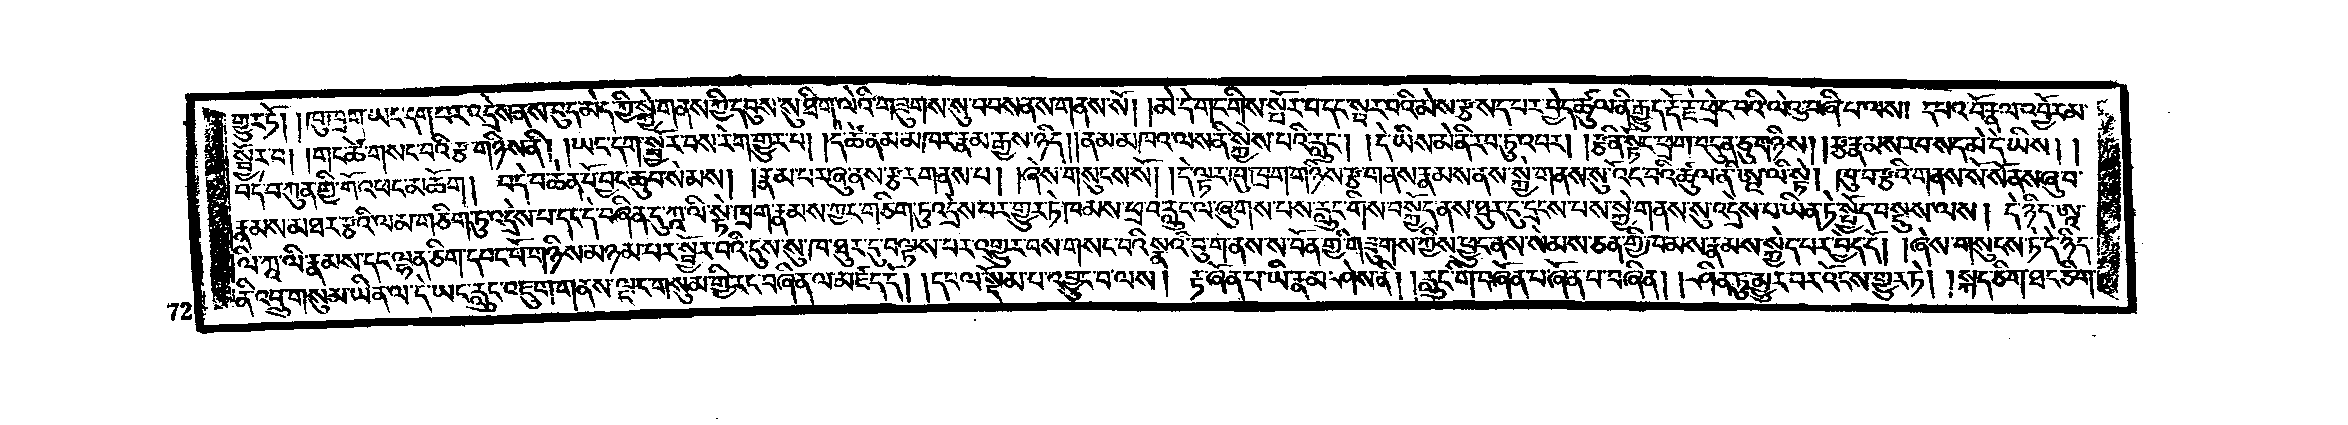གྱུར་ཏོ། །ཁུ་ཁྲག་ཡང་དག་པར་འདྲེས་ནས་བུད་མེད་ཀྱི་སྐྱེ་གནས་ཀྱི་དབུས་སུ་ཐིག་ལེའི་གཟུགས་སུ་བབས་ནས་གནས་སོ། །མེ་དེ་གང་གིས་སྤོར་བ་དང་སྦར་བའི་མེས་རྩ་སད་པར་བྱེད་ཚུལ་ནི་རྒྱུད་རྡོ་རྗེ་ཕྲེང་བའི་ལེའུ་བཞི་པ་ལས། དཔའ་བོ་རྣལ་འབྱོར་མ་
སྦྱོར་བ། །གང་ཚེ་གསང་བའི་རྩ་གཉིས་ནི། །ཡང་དག་སྦྱོར་བས་རེག་གྱུར་པ། །དེ་ཚེ་ནམ་མཁར་རྣམ་རྒྱས་ཉིད། །ནམ་མཁའ་ལས་ནི་སྐྱེས་པའི་རླུང་། །དེ་ཡིས་མེ་ནི་རབ་ཏུ་འབར། །རྩ་ནི་སྟོང་ཕྲག་བདུན་ཅུ་གཉིས། །རྩ་རྣམས་རབ་སད་མེ་དེ་ཡིས། །
བདེ་བ་ཀུན་གྱི་གོ་འཕང་མཆོག ། བདེ་བ་ཆེན་པོ་བྱང་ཆུབ་སེམས། །རྣམ་པར་ཞུ་ནས་རྩར་གནས་པ། །ཞེས་གསུངས་སོ། །དེ་ལྟར་ཁུ་ཁྲག་གཉིས་རྩ་གནས་རྣམས་ནས་སྐྱེ་གནས་སུ་འོང་བའི་ཚུལ་ནི་ཨཱ་ལི་སྟེ། ཁུ་བ་རྩའི་གནས་སོ་སོ་ནས་ཞུ་བ་
རྣམས་མཐར་རྩའི་ལམ་གཅིག་ཏུ་འདྲེས་པ་དང་དེ་བཞིན་དུ་ཀཱ་ལི་སྟེ་ཁྲག་རྣམས་ཀྱང་གཅིག་ཏུ་འདྲེས་པར་གྱུར་ཏེ་ཁམས་ཕྲ་བ་རླུང་ལ་ཞུགས་པས་རླུང་གིས་བསྐྱོད་ནས་ཐུར་དུ་དྲངས་པས་སྐྱེ་གནས་སུ་འདྲེས་པ་ཡིན་ཏེ་སྤྱོད་བསྡུས་ལས། དེ་ཉིད་ཨཱ་
ལི་ཀཱ་ལི་རྣམས་དང་ལྷན་ཅིག་དབང་པོ་གཉིས་མཉམ་པར་སྦྱོར་བའི་དུས་སུ་ཁ་ཐུར་དུ་བལྟས་པར་འགྱུར་བས་གསང་བའི་སྣའི་བུ་ག་ནས་ས་བོན་གྱི་གཟུགས་ཀྱིས་ཕུང་ནས་སེམས་ཅན་གྱི་ཁམས་རྣམས་སྐྱེད་པར་བྱེད་དོ། །ཞེས་གསུངས་ཏེ་དེ་ཉིད་
ནི་འབྲུ་གསུམ་ཡིན་ལ་དེ་ཡང་རླུང་འཇུག་གནས་ལྡང་གསུམ་གྱི་རང་བཞིན་ལ་མཛད་དོ། །དཔལ་སྡོམ་པ་འབྱུང་བ་ལས། རྟ་ཞོན་པ་ཡི་རྣམ་ཤེས་ནི། །རླུང་གི་བཞོན་བ་ཞོན་པ་བཞིན། །ཤིན་ཏུ་མྱུར་བར་འོངས་གྱུར་ཏེ། །སྐད་ཅིག་ཐང་ཅིག་